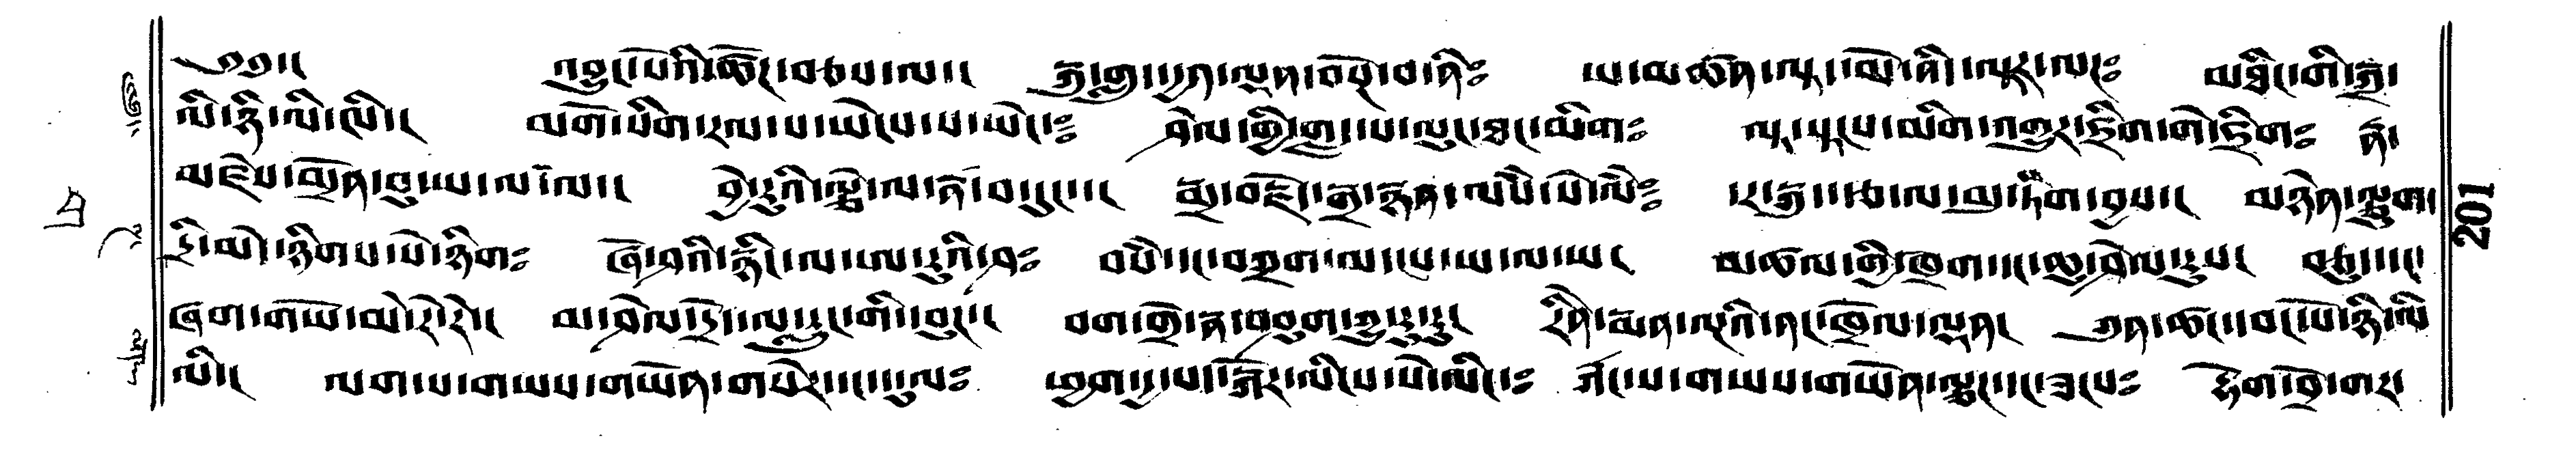འབྱུང་པོའི་ཚོགས་བཅས་ལ། །སྐུ་གླུད་རྒྱན་ལྡན་བསྔོ་བ་ནི། །ཡ་མཚན་ལྟད་མོ་འདི་ལྟར་ལགས། །མཐིང་གི་སྐྲ་
ལོ་ཉི་ལི་ལི། །མགོ་སིག་རལ་པ་ཡེངས་སེ་ཡེང་། །ཤེལ་གྱི་ཀླད་པ་ལུང་ཐང་མིག །ལྟ་སྟངས་མིག་འགྱུར་ཧྲིག་གེ་ཧྲིག རྣ་
མཛེས་མགྲོན་བུ་ཡ་ལ་ལ། །བྱེ་རུའི་ལྕེ་ལ་རྣ་བ་དུང་། །སྨྲ་བརྗོད་སྒྲ་སྙན་ལམ་སེ་ལམ། དར་སྐུད་རྩ་ལ་མུ་ཏིག་བྱས། །མཉེན་ལྕུག་
དྲི་མེད་ཉིགས་སེ་ཉིག །ཞོ་ཤའི་སྙིང་ལ་ཨ་རུའི་ཤ། །བསམ་དང་བཀྲག་མདངས་ཡ་ལ་ཡ། །མཚལ་གྱི་ཁྲག་དང་ཆུ་ཤེལ་རུས། །བཅུད་དང་
ཞག་གཡོ་མེ་རེ་རེ། །མེ་ཤེལ་དྲོད་ལ་རླུང་གི་དབུགས། །བག་གྲོ་སྣ་བཤུག་ཀྱུ་རུ་རུ། རིན་ཆེན་སྨན་ལྔའི་ནང་ཁྲོལ་ལྡན། །ཀུན་ཚང་དབང་པོ་ཉི་ལི་
ལི། །ལག་པ་གཡས་གཡོན་གསེར་དང་དངུལ། །ཕྱག་རྒྱ་པད་སྐོར་ལིངས་སེ་ལིང་། །རྐང་པ་གཡས་གཡོན་ལྕགས་དང་ཟངས། །རྡོག་བྲོ་གར་